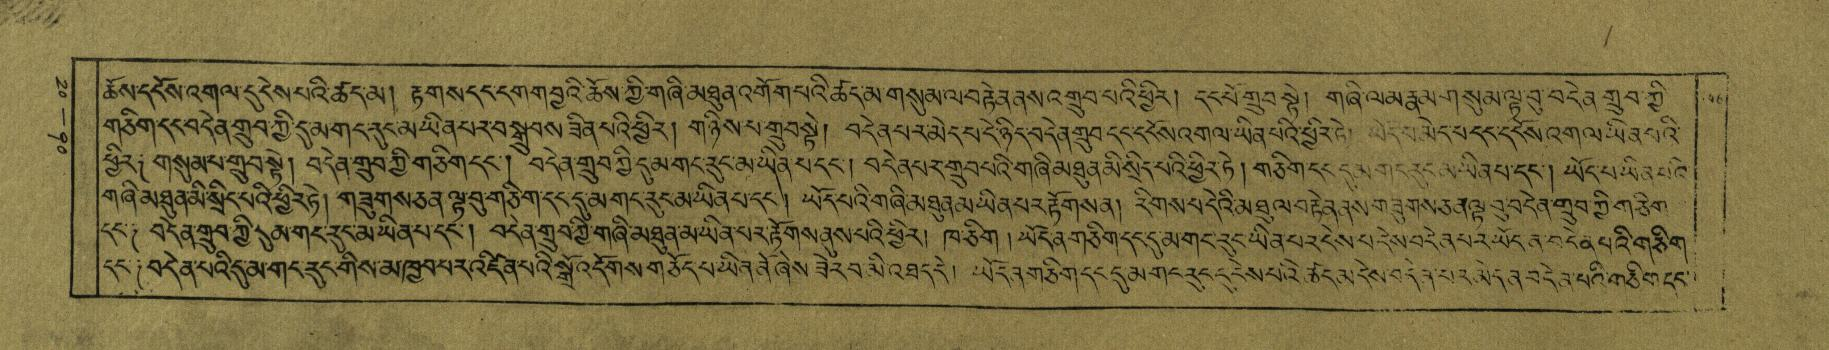ཆོས་དངོས་འགལ་དུ་ངེས་པའི་ཚད་མ། རྟགས་དང་དགག་བྱའི་ཆོས་ཀྱི་གཞི་མཐུན་འགོག་པའི་ཚད་མ་གསུམ་ལ་བརྟེན་ནས་འགྲུབ་པའི་ཕྱིར། དང་པོ་གྲུབ་སྟེ། གཞི་ལམ་རྣམ་གསུམ་ལྟ་བུ་བདེན་གྲུབ་ཀྱི་
གཅིག་དང་བདེན་གྲུབ་ཀྱི་དུ་མ་གང་རུང་མ་ཡིན་པར་བསྒྲུབས་ཟིན་པའི་ཕྱིར། གཉིས་པ་གྲུབ་སྟེ། བདེན་པར་མེད་པ་དེ་ཉིད་བདེན་གྲུབ་དང་དངོས་འགལ་ཡིན་པའི་ཕྱིར་ཏེ། ཡོད་པ་མེད་པ་དང་དངོས་འགལ་ཡིན་པའི་
ཕྱིར༑ གསུམ་པ་གྲུབ་སྟེ། བདེན་གྲུབ་ཀྱི་གཅིག་དང་། བདེན་གྲུབ་ཀྱི་དུ་མ་གང་རུང་མ་ཡིན་པ་དང་། བདེན་པར་གྲུབ་པའི་གཞི་མཐུན་མི་སྲིད་པའི་ཕྱིར་ཏེ། གཅིག་དང་དུ་མ་གང་རུང་མ་ཡིན་པ་དང་། ཡོད་པ་ཡིན་པའི་
གཞི་མཐུན་མི་སྲིད་པའི་ཕྱིར་ཏེ། གཟུགས་ཅན་ལྟ་བུ་གཅིག་དང་དུ་མ་གང་རུང་མ་ཡིན་པ་དང་། ཡོད་པའི་གཞི་མཐུན་མ་ཡིན་པར་རྟོགས་ན། རིགས་པ་དེའི་མཐུ་ལ་བརྟེན་ནས་གཟུགས་ཅན་ལྟ་བུ་བདེན་གྲུབ་ཀྱི་གཅིག་
དང༑ བདེན་གྲུབ་ཀྱི་དུ་མ་གང་རུང་མ་ཡིན་པ་དང་། བདེན་གྲུབ་ཀྱི་གཞི་མཐུན་མ་ཡིན་པར་རྟོགས་ནུས་པའི་ཕྱིར། ཁ་ཅིག །ཡོད་ན་གཅིག་དང་དུ་མ་གང་རུང་ཡིན་པར་ངེས་པ་དེས་བདེན་པར་ཡོད་ན་བདེན་པའི་གཅིག་
དང༑ བདེན་པའི་དུ་མ་གང་རུང་གིས་མ་ཁྱབ་པར་འཛིན་པའི་སྒྲོ་འདོགས་གཅོད་པ་ཡིན་ནོ་ཞེས་ཟེར་བ་མི་འཐད་དེ། ཡོད་ན་གཅིག་དང་དུ་མ་གང་རུང་དུ་ངེས་པའི་ཚད་མ་དེས་བདེན་པར་མེད་ན་བདེན་པའི་གཅིག་དང་